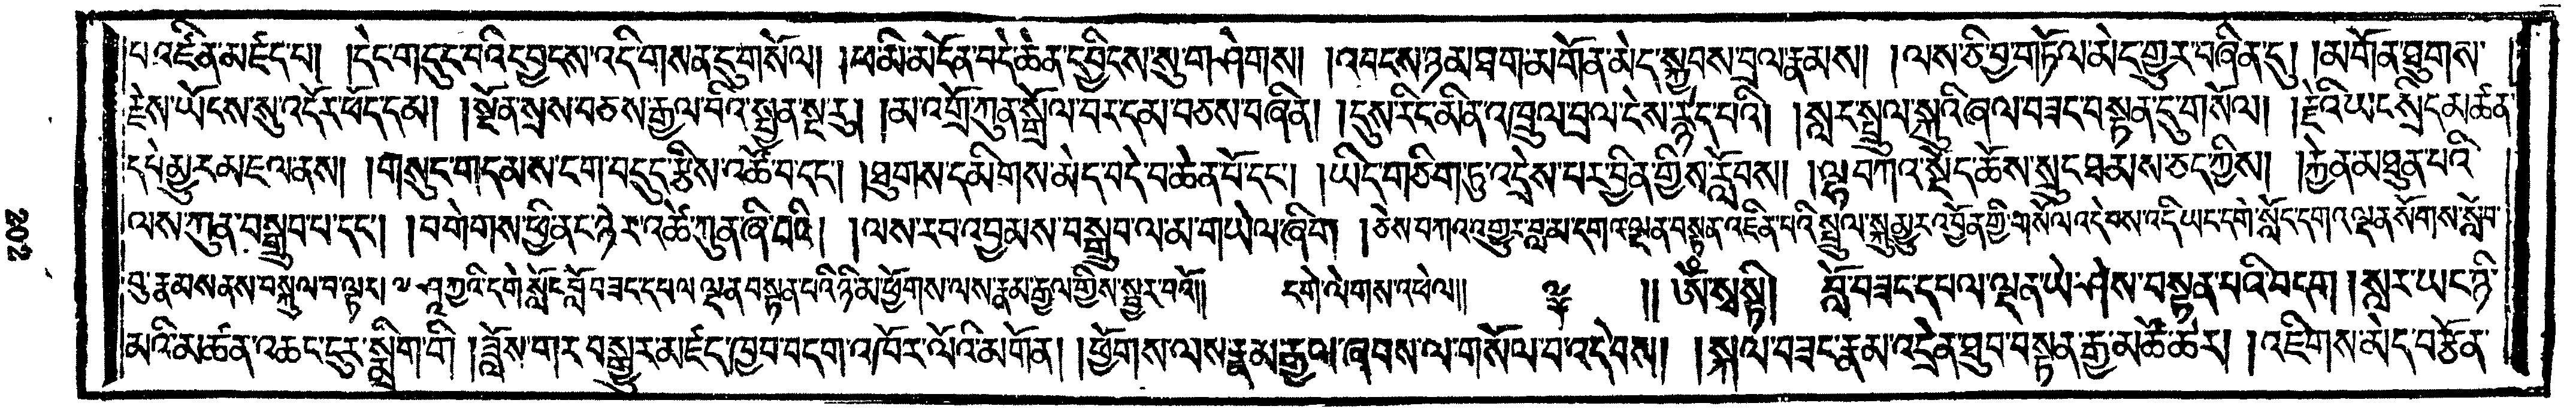པ་འཛིན་མཛད་པ། །དེང་གདུང་བའི་དབྱངས་འདི་གསན་དུ་གསོལ། །ཕ་མི་མངོན་བདེ་ཆེན་དབྱིངས་སུ་གཤེགས། །འབངས་ཉམ་ཐག་མགོན་མེད་སྐྱབས་བྲལ་རྣམས། །ལས་ཅི་བྱ་གཏོལ་མེད་གྱུར་བཞིན་དུ། །མགོན་ཐུགས་
རྗེས་ཡོངས་སུ་འདོར་ཕོད་དམ། །སྔོན་སྲས་བཅས་རྒྱལ་བའི་སྤྱན་སྔ་རུ། །མ་འགྲོ་ཀུན་སྒྲོལ་བར་དམ་བཅས་བཞིན། །དུས་རིང་མིན་འཁྲུལ་བྲལ་ངེས་རྙེད་པའི། །སླར་སྤྲུལ་སྐུའི་ཞལ་བཟང་བསྟན་དུ་གསོལ། །རྗེའི་ཡང་སྲིད་མཚན་
དཔེ་མྱུར་མཇལ་ནས། །གསུང་གདམས་ངག་བདུད་རྩིས་འཚོ་བ་དང་། །ཐུགས་དམིགས་མེད་བདེ་བ་ཆེན་པོ་དང་། །ཡིད་གཅིག་ཏུ་འདྲེས་པར་བྱིན་གྱིས་རློབས། །ལྷ་བཀའ་སྡོད་ཆོས་སྲུང་ཐམས་ཅད་ཀྱིས། །རྐྱེན་མཐུན་པའི་
ལས་ཀུན་བསྒྲུབ་པ་དང་། །བགེགས་ཕྱི་ནང་ཉེར་འཚེ་ཀུན་ཞི་བའི། །ལས་རབ་འབྱམས་བསྒྲུབ་ལ་མ་གཡེལ་ཞིག །ཅེས་བཀའ་འགྱུར་བླ་མ་དགའ་ལྡན་བསྟན་འཛིན་པའི་སྤྲུལ་སྐུ་མྱུར་འབྱོན་གྱི་གསོལ་འདེབས་འདི་ཡང་དགེ་སློང་དགའ་ལྡན་སོགས་སློབ་
བུ་རྣམས་ནས་བསྐུལ་བ་ལྟར། ༧་ཤཱཀྱའི་དགེ་སློང་བློ་བཟང་དཔལ་ལྡན་བསྟན་པའི་ཉི་མ་ཕྱོགས་ལས་རྣམ་རྒྱལ་གྱིས་སྦྱར་བའོ།། དགེ་ལེགས་འཕེལ།། ༈ །།ཨོཾ་སྭསྟི། བློ་བཟང་དཔལ་ལྡན་ཡེ་ཤེས་བསྟན་པའི་བདག །སླར་ཡང་ཉི་
མའི་མཚན་འཆང་ངུར་སྨྲིག་གི །ཟློས་གར་བསྒྱུར་མཛད་ཁྱབ་བདག་འཁོར་ལོའི་མགོན། །ཕྱོགས་ལས་རྣམ་རྒྱལ་ཞབས་ལ་གསོལ་བ་འདེབས། །སྐལ་བཟང་རྣམ་འདྲེན་ཐུབ་བསྟན་རྒྱ་མཚོ་ཆེར། །འཇིགས་མེད་བརྩོན་